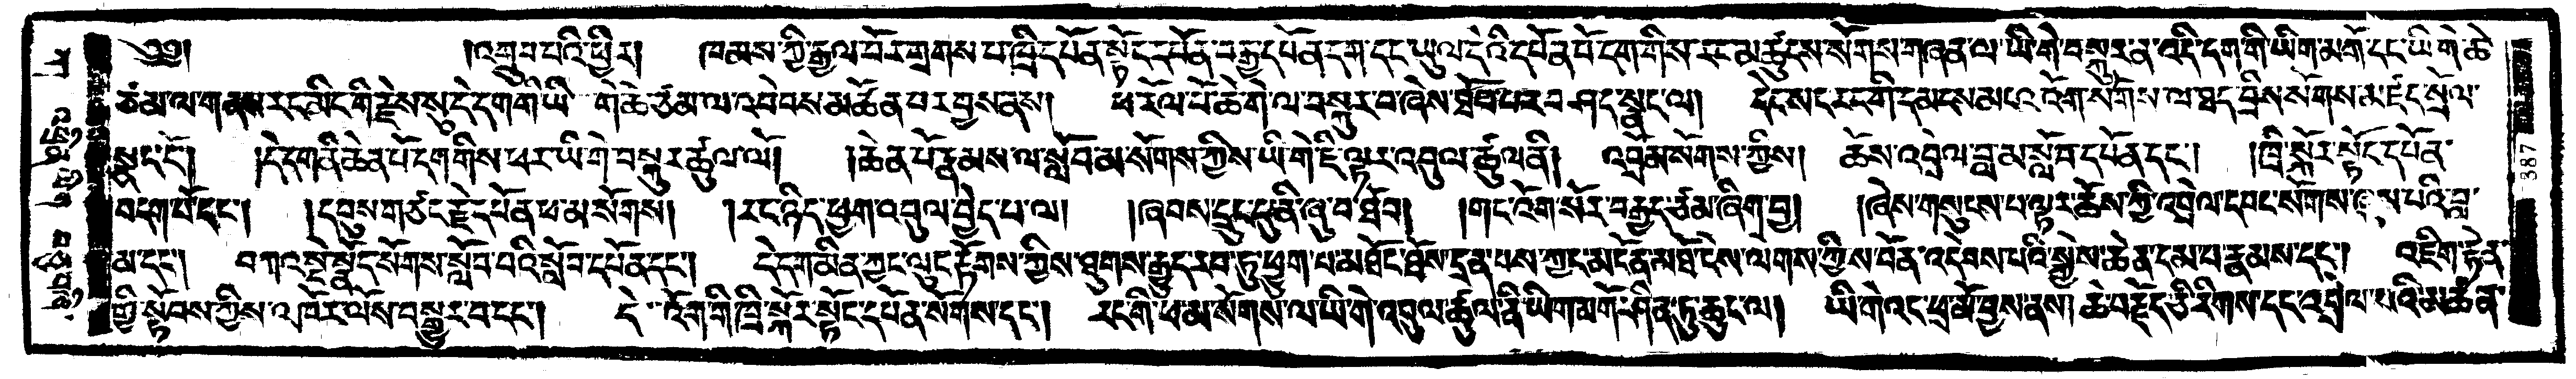༄༅། །འགྲུབ་པའི་ཕྱིར། ཁམས་ཀྱི་རྒྱལ་པོར་གྲགས་པ་ཁྲི་དཔོན་སྟོང་དཔོན་བརྒྱ་དཔོན་དག་དང་ཡུལ་དེའི་དཔོན་པོ་དག་གིས་རང་མཚུངས་སོགས་གཞན་ལ་ཡི་གེ་བསྐུར་ན་འདི་དག་གི་ཡིག་མགོ་དང་ཡི་གེ་ཆེ་
ཙམ་ལ་གནས་རང་མིང་གི་རྗེས་སུ་དེ་དག་གི་ཡི་གེ་ཆེ་ཙམ་ལ་འབེབས་མཚོན་བར་བྱས་ནས། ཕ་རོལ་པོ་ཆེ་གེ་ལ་བསྐུར་བཞེས་ཐོབ་པར་བཤད་སྣང་ལ། དེང་སང་རང་གི་དམངས་མངའ་འོག་སོགས་ལ་ཐད་བྲིས་སོགས་མཛད་སྲོལ་
སྣང་ངོ། །དེ་དག་ནི་ཆེན་པོ་དག་གིས་ཕར་ཡི་གེ་བསྐུར་ཚུལ་ལོ། །ཆེན་པོ་རྣམས་ལ་སློབ་མ་སོགས་ཀྱིས་ཡི་གེ་ཇི་ལྟར་འབུལ་ཚུལ་ནི། འབྲོམ་སོགས་ཀྱིས། ཆོས་འབྲེལ་བླ་མ་སློབ་དཔོན་དང་། །ཁྲི་སྐོར་སྟོང་དཔོན་
བདག་པོ་དང་། །དབུས་གཙང་རྗེ་དཔོན་ཕ་མ་སོགས། །རང་ཉིད་ཕྱག་འབུལ་བྱེད་པ་ལ། །ཞབས་དྲུང་དུ་ནི་ཞུ་བ་ཐོབ། །གང་འོག་སོར་བརྒྱད་ཙམ་ཞིག་བྱ། །ཞེས་གསུངས་པ་ལྟར་ཆོས་ཀྱི་འབྲེལ་དབང་སོགས་ཞུས་པའི་བླ་
མ་དང་། བཀའ་སྡེ་སྣོད་སོགས་སློབ་པའི་སློབ་དཔོན་དང་། དེ་དག་མིན་ཀྱང་ལུང་རྟོགས་ཀྱིས་ཐུགས་རྒྱུད་རབ་ཏུ་ཕྱུག་པ་མཐོང་ཐོས་དྲན་བས་ཀྱང་མངོན་མཐོ་དེས་ལེགས་ཀྱིས་བོན་འདེབས་པའི་སྐྱེས་ཆེན་དམ་པ་རྣམས་དང་། འཇིག་རྟེན་
གྱི་སྟོབས་ཀྱིས་འཁོར་ལོས་བསྒྱུར་བ་དང་། དེ་འོག་གི་ཁྲི་སྐོར་སྟོང་དཔོན་སོགས་དང་། རང་གི་ཕ་མ་སོགས་ལ་ཡི་གེ་འབུལ་ཚུལ་ནི་ཡིག་མགོ་ཤིན་ཏུ་ཆུང་ལ། ཡི་གེའང་ཕྲ་མོ་བྱས་ནས། ཆེ་བརྗོད་ཅི་རིགས་དང་འབྲེལ་པའི་མཚན་